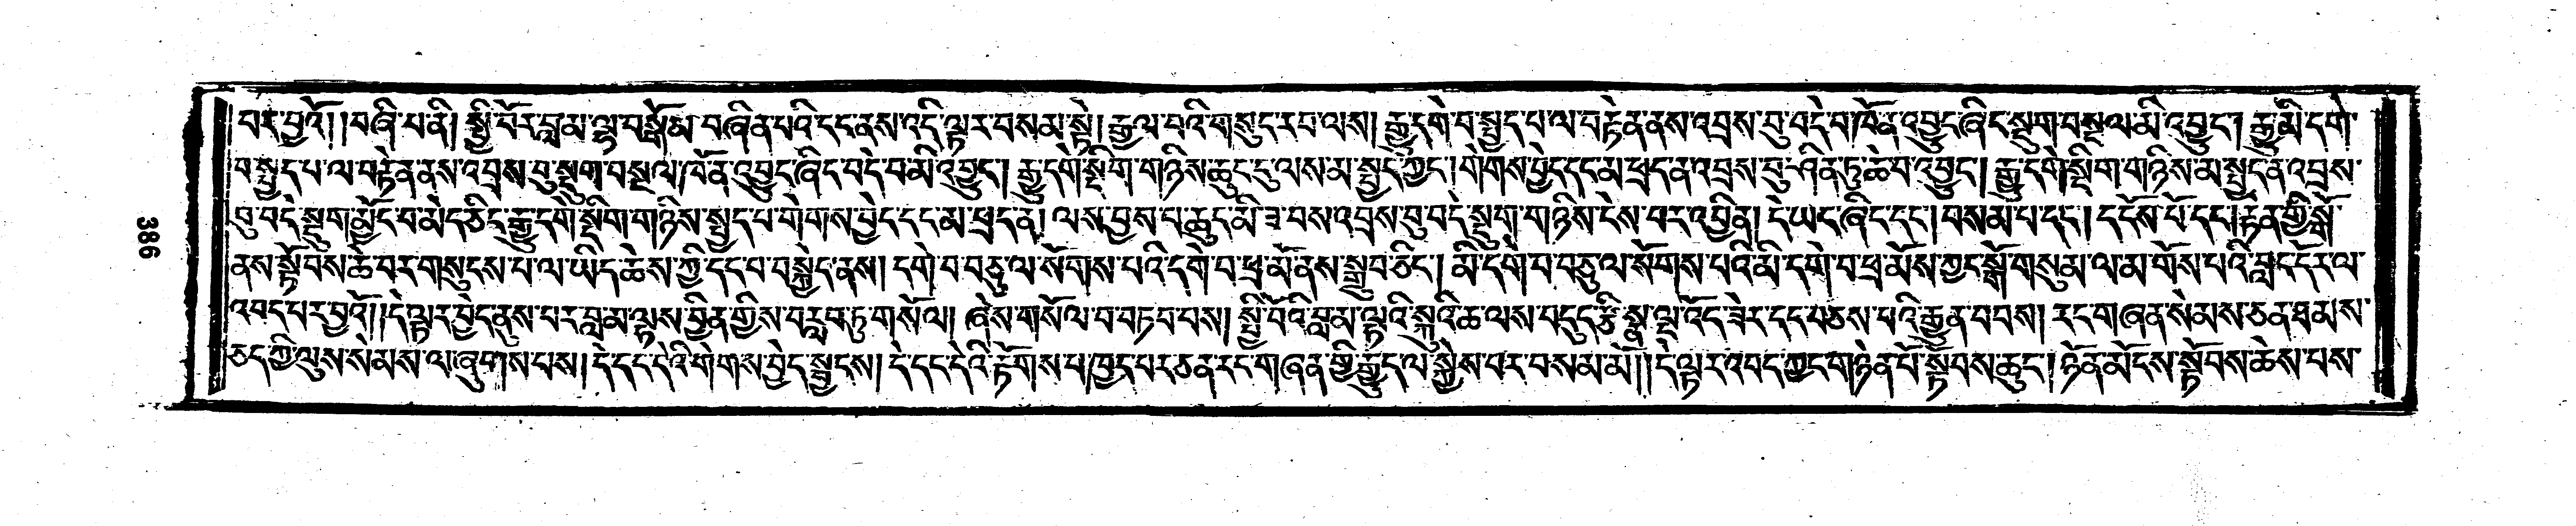པར་བྱའོ། །བཞི་པ་ནི། སྤྱི་བོར་བླ་མ་ལྷ་བསྒོམ་བཞིན་པའི་ངང་ནས་འདི་ལྟར་བསམ་སྟེ། རྒྱལ་བའི་གསུང་རབ་ལས། རྒྱུ་དགེ་བ་སྤྱད་པ་ལ་བརྟེན་ནས་འབྲས་བུ་བདེ་བ་ཁོ་ན་འབྱུང་ཞིང་སྡུག་བསྔལ་མི་འབྱུང་། རྒྱུ་མི་དགེ་
བ་སྤྱད་པ་ལ་བརྟེན་ནས་འབྲས་བུ་སྡུག་བསྔལ་ཁོ་ན་འབྱུང་ཞིང་བདེ་བ་མི་འབྱུང་། རྒྱུ་དགེ་སྡིག་གཉིས་ཆུང་ངུ་ལས་མ་སྤྱད་ཀྱང་། གེགས་བྱེད་དང་མ་ཕྲད་ན་འབྲས་བུ་ཤིན་ཏུ་ཆེ་བ་འབྱུང་། རྒྱུ་དགེ་སྡིག་གཉིས་མ་སྤྱད་ན་འབྲས་
བུ་བདེ་སྡུག་མྱོང་བ་མེད་ཅིང་རྒྱུ་དགེ་སྡིག་གཉིས་སྤྱད་པ་གེགས་བྱེད་དང་མ་ཕྲད་ན། ལས་བྱས་པ་ཆུད་མི་ཟ་བས་འབྲས་བུ་བདེ་སྡུག་གཉིས་ངེས་པར་འབྱིན། དེ་ཡང་ཞིང་དང་། བསམ་པ་དང་། དངོས་པོ་དང་། རྟེན་གྱི་སྒོ་
ནས་སྟོབས་ཆེ་བར་གསུངས་པ་ལ་ཡིད་ཆེས་ཀྱི་དད་པ་བསྐྱེད་ནས། དགེ་བ་བཅུ་ལ་སོགས་པའི་དགེ་བ་ཕྲ་མོ་ནས་སྒྲུབ་ཅིང་། མི་དགེ་བ་བཅུ་ལ་སོགས་པའི་མི་དགེ་བ་ཕྲ་མོས་ཀྱང་སྒོ་གསུམ་ལ་མ་གོས་པའི་བླང་དོར་ལ་
འབད་པར་བྱའོ། །དེ་ལྟར་བྱེད་ནུས་པར་བླ་མ་ལྷས་བྱིན་གྱིས་བརླབ་ཏུ་གསོལ། ཞེས་གསོལ་བ་བཏབ་པས། སྤྱི་བོའི་བླ་མ་ལྷའི་སྐུའི་ཆ་ལས་བདུད་རྩི་སྣ་ལྔ་འོད་ཟེར་དང་བཅས་པའི་རྒྱུན་བབས། རང་གཞན་སེམས་ཅན་ཐམས་
ཅད་ཀྱི་ལུས་སེམས་ལ་ཞུགས་པས། དེ་དང་དེའི་གེགས་བྱེད་སྦྱངས། དེ་དང་དེའི་རྟོགས་པ་ཁྱད་པར་ཅན་རང་གཞན་གྱི་རྒྱུད་ལ་སྐྱེས་པར་བསམ་མོ། །དེ་ལྟར་འབད་ཀྱང་གཉེན་པོ་སྟོབས་ཆུང་། ཉོན་མོངས་སྟོབས་ཆེས་བས་